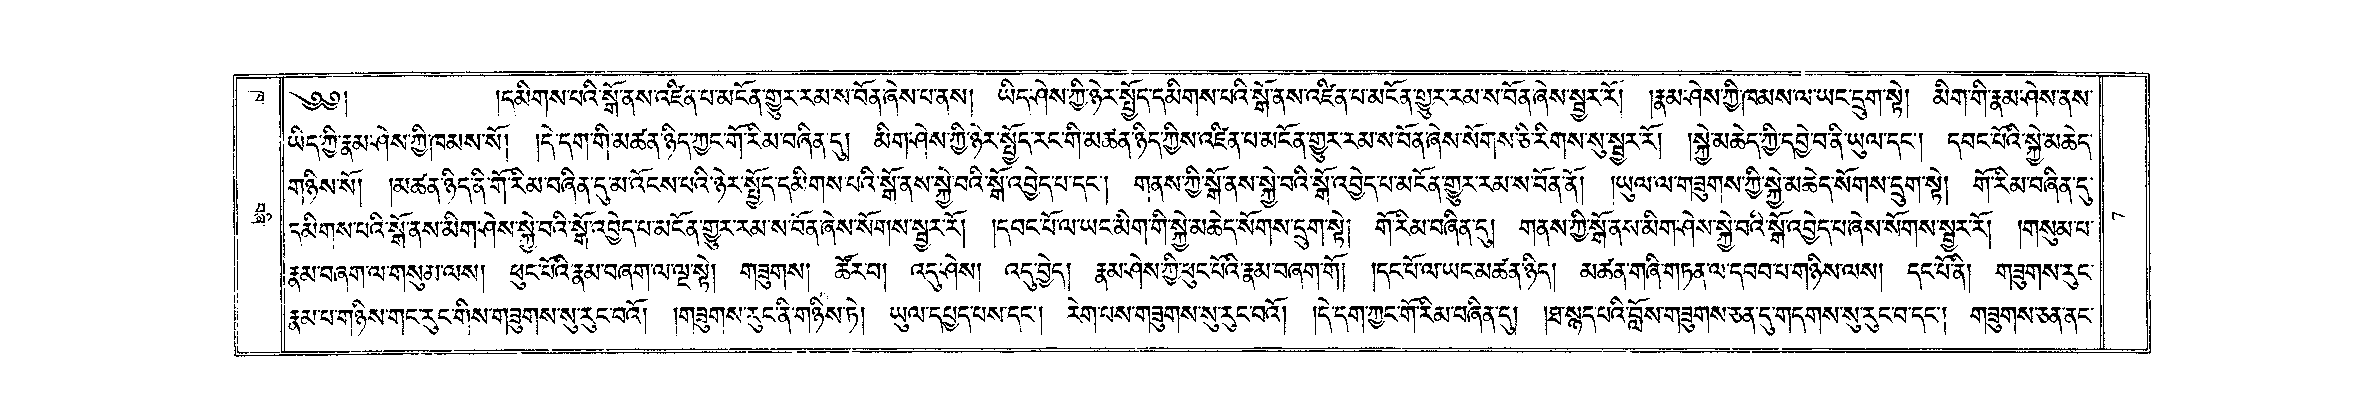༄༅། །དམིགས་པའི་སྒོ་ནས་འཛིན་པ་མངོན་གྱུར་རམ་ས་བོན་ཞེས་པ་ནས། ཡིད་ཤེས་ཀྱི་ཉེར་སྤྱོད་དམིགས་པའི་སྒོ་ནས་འཛིན་པ་མངོན་གྱུར་རམ་ས་བོན་ཞེས་སྦྱར་རོ། །རྣམ་ཤེས་ཀྱི་ཁམས་ལ་ཡང་དྲུག་སྟེ། མིག་གི་རྣམ་ཤེས་ནས་
ཡིད་ཀྱི་རྣམ་ཤེས་ཀྱི་ཁམས་སོ། །དེ་དག་གི་མཚན་ཉིད་ཀྱང་གོ་རིམ་བཞིན་དུ། མིག་ཤེས་ཀྱི་ཉེར་སྤྱོད་རང་གི་མཚན་ཉིད་ཀྱིས་འཛིན་པ་མངོན་གྱུར་རམ་ས་བོན་ཞེས་སོགས་ཅི་རིགས་སུ་སྦྱར་རོ། །སྐྱེ་མཆེད་ཀྱི་དབྱེ་བ་ནི་ཡུལ་དང་། དབང་པོའི་སྐྱེ་མཆེད་
གཉིས་སོ། །མཚན་ཉིད་ནི་གོ་རིམ་བཞིན་དུ་མ་འོངས་པའི་ཉེར་སྤྱོད་དམིགས་པའི་སྒོ་ནས་སྐྱེ་བའི་སྒོ་འབྱེད་པ་དང་། གནས་ཀྱི་སྒོ་ནས་སྐྱེ་བའི་སྒོ་འབྱེད་པ་མངོན་གྱུར་རམ་ས་བོན་ནོ། །ཡུལ་ལ་གཟུགས་ཀྱི་སྐྱེ་མཆེད་སོགས་དྲུག་སྟེ། གོ་རིམ་བཞིན་དུ་
དམིགས་པའི་སྒོ་ནས་མིག་ཤེས་སྐྱེ་བའི་སྒོ་འབྱེད་པ་མངོན་གྱུར་རམ་ས་བོན་ཞེས་སོགས་སྦྱར་རོ། །དབང་པོ་ལ་ཡང་མིག་གི་སྐྱེ་མཆེད་སོགས་དྲུག་སྟེ། གོ་རིམ་བཞིན་དུ། གནས་ཀྱི་སྒོ་ནས་མིག་ཤེས་སྐྱེ་བའི་སྒོ་འབྱེད་པ་ཞེས་སོགས་སྦྱར་རོ། །གསུམ་པ་
རྣམ་བཞག་ལ་གསུམ་ལས། ཕུང་པོའི་རྣམ་བཞག་ལ་ལྔ་སྟེ། གཟུགས། ཚོར་བ། འདུ་ཤེས། འདུ་བྱེད། རྣམ་ཤེས་ཀྱི་ཕུང་པོའི་རྣམ་བཞག་གོ། །དང་པོ་ལ་ཡང་མཚན་ཉིད། མཚན་གཞི་གཏན་ལ་དབབ་པ་གཉིས་ལས། དང་པོ་ནི། གཟུགས་རུང་
རྣམ་པ་གཉིས་གང་རུང་གིས་གཟུགས་སུ་རུང་བའོ། །གཟུགས་རུང་ནི་གཉིས་ཏེ། ཡུལ་དཔྱད་པས་དང་། རེག་པས་གཟུགས་སུ་རུང་བའོ། །དེ་དག་ཀྱང་གོ་རིམ་བཞིན་དུ། །ཐ་སྙད་པའི་བློས་གཟུགས་ཅན་དུ་གདགས་སུ་རུང་བ་དང་། གཟུགས་ཅན་ནང་